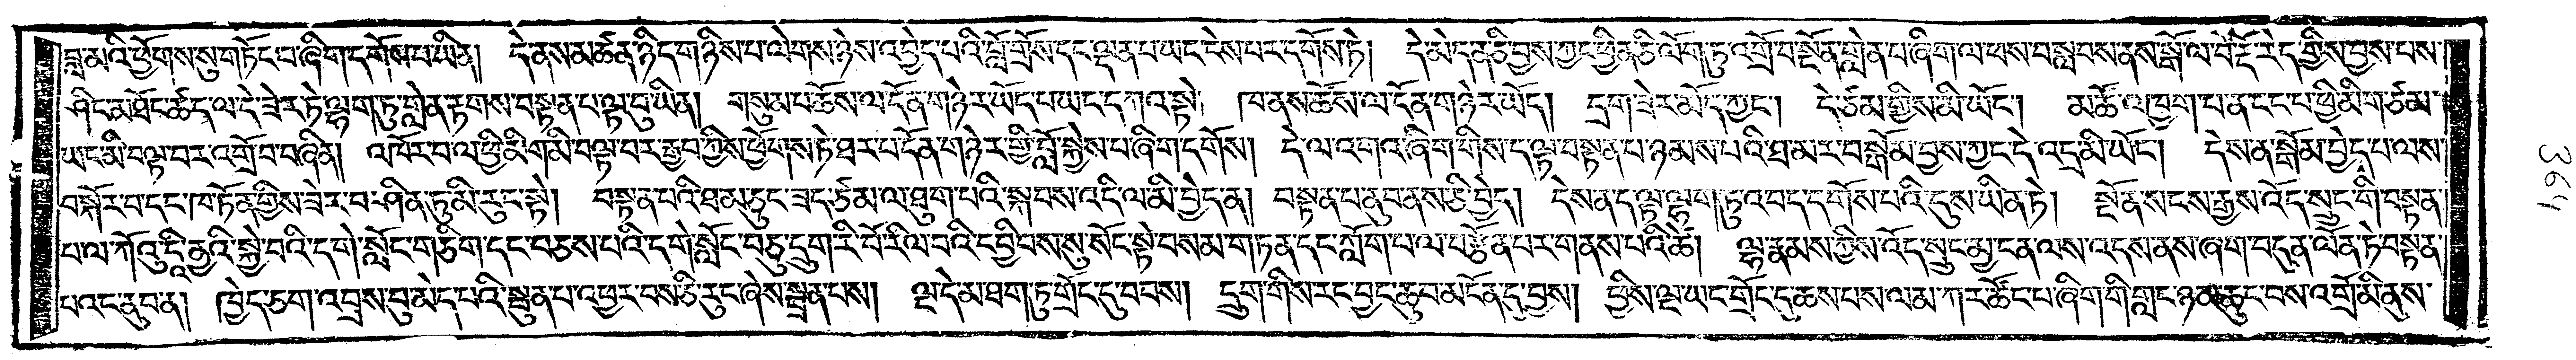བླ་མའི་ཕྱོགས་སུ་གཏོང་བ་ཞིག་དགོས་པ་ཡིན། དེ་ནས་མཚན་ཉིད་གཉིས་པ་ལེགས་ཉེས་འབྱེད་པའི་བློ་གྲོས་དང་ལྡན་པ་ཡང་ངེས་པར་དགོས་ཏེ། དེ་མེད་ན་ཅི་བྱས་ཀྱང་ཕྱིན་ཅི་ལོག་ཏུ་འགྲོ་བ་སྔོན་གླེན་པ་ཞིག་ལ་ཕས་བསླབས་ནས་སྒོལ་བེ་རྡོ་རེད་གྱིས་བྱས་པ་
ཤིང་མཐོང་ཚད་ལ་དེ་ཟེར་ཏེ་ལྷག་ཏུ་གླེན་རྟགས་བསྟན་པ་ལྟ་བུ་ཡིན། གསུམ་པ་ཆོས་ལ་དོན་གཉེར་ཡོད་པ་ཡང་དཀའ་སྟེ། ཁ་ནས་ཆོས་ལ་དོན་གཉེར་ཡོད། དྲག་ཟེར་མོད་ཀྱང་། དེ་ཙམ་གྱིས་མི་ཡོང་། མཚོ་འཁྱག་པ་ན་ངང་པ་ཕྱི་མིག་ཙམ་
ཡང་མི་བལྟ་བར་འགྲོ་བ་བཞིན། འཁོར་བ་ལ་ཕྱི་མིག་མི་བལྟ་བར་རྒྱབ་ཀྱིས་ཕྱོགས་ཏེ་ཐར་པ་དོན་གཉེར་གྱི་བློ་སྐྱེས་པ་ཞིག་དགོས། དེ་ལ་འགའ་ཞིག་གིས་ད་ལྟ་བསྟན་པ་ཉམས་པའི་ཐ་མར་བསྒོམ་བྱས་ཀྱང་དེ་འདྲ་མི་ཡོང་། དེས་ན་སྒོམ་བྱེད་པ་ལས་
བསྐོར་བ་དང་ཁ་ཏོན་གྱིས་ཟེར་བ་ཤིན་ཏུ་མི་རུང་སྟེ། བསྟན་པའི་ཐ་མ་ཅུང་ཟད་ཙམ་ལ་ཐུག་པའི་སྐབས་འདི་ལ་མི་བྱེད་ན། བསྟན་པ་ནུབ་ནས་ཅི་བྱེད། དེས་ན་ད་ལྟ་ལྷག་ཏུ་འབད་དགོས་པའི་དུས་ཡིན་ཏེ། སྔོན་སངས་རྒྱས་འོད་སྲུང་གི་བསྟན་
པ་ལ་ཀོའུ་དཱི་ནྱའི་སྐྱེ་བའི་དགེ་སློང་གཅིག་དང་བཅས་པའི་དགེ་སློང་བཅུ་དྲུག་རི་བོ་རིལ་བའི་དབྱིབས་སུ་སོང་སྟེ་བསམ་གཏན་དང་ཀློག་པ་ལ་བརྩོན་པར་གནས་པའི་ཚེ། ལྷ་རྣམས་ཀྱིས་འོད་སྲུང་མྱ་ངན་ལས་འདས་ནས་ཞག་བདུན་ལོན་ཏེ་བསྟན་
པའང་ནུབ་ན། ཁྱེད་ཅག་འབྲས་བུ་མེད་པའི་སྦུན་པ་འཕྱར་བས་ཅི་རུང་ཞེས་སྦྲན་པས། ལྔ་དེ་མ་ཐག་ཏུ་གྲོང་དུ་བབས། དྲུག་གིས་རང་བྱང་ཆུབ་མངོན་དུ་བྱས། ཕྱིས་ལྔ་ཡང་གྲོང་དུ་ཆས་པས་ལམ་ཀར་ཚོང་པ་ཞིག་?་ཆུང་བས་འགྲོ་མི་ནུས་